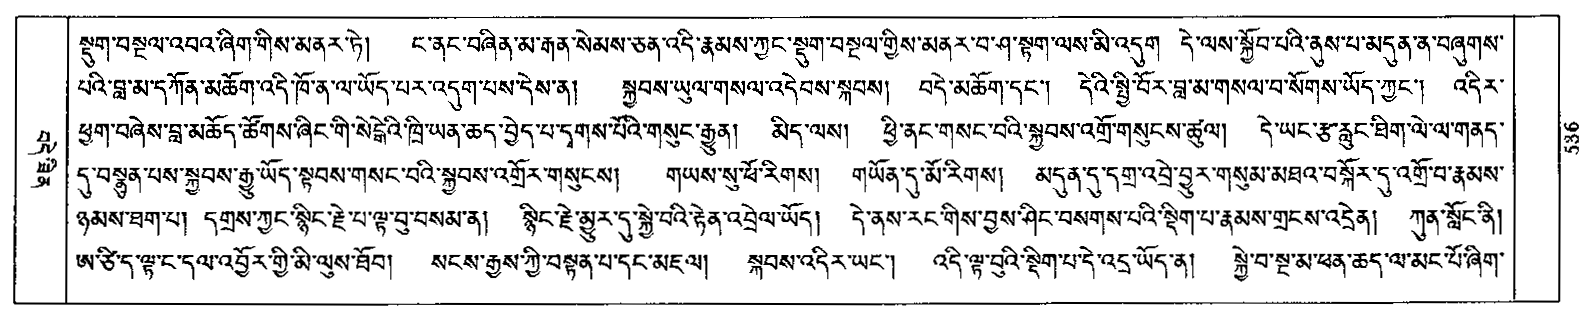སྡུག་བསྔལ་འབའ་ཞིག་གིས་མནར་ཏེ། ང་ནང་བཞིན་མ་རྒན་སེམས་ཅན་འདི་རྣམས་ཀྱང་སྡུག་བསྔལ་གྱིས་མནར་བ་ཤ་སྟག་ལས་མི་འདུག་དེ་ལས་སྐྱོབ་པའི་ནུས་པ་མདུན་ན་བཞུགས་
པའི་བླ་མ་དཀོན་མཆོག་འདི་ཁོ་ན་ལ་ཡོད་པར་འདུག་པས་དེས་ན། སྐྱབས་ཡུལ་གསལ་འདེབས་སྐབས། བདེ་མཆོག་དང་། དེའི་སྤྱི་བོར་བླ་མ་གསལ་བ་སོགས་ཡོད་ཀྱང་། འདིར་
ཕྱག་བཞེས་བླ་མཆོད་ཚོགས་ཞིང་གི་སེངྒེའི་ཁྲི་ཡན་ཆད་བྱེད་པ་དྭགས་པོའི་གསུང་རྒྱུན། མིད་ལས། ཕྱི་ནང་གསང་བའི་སྐྱབས་འགྲོ་གསུངས་ཚུལ། དེ་ཡང་རྩ་རླུང་ཐིག་ལེ་ལ་གནད་
དུ་བསྣུན་པས་སྐྱབས་རྒྱུ་ཡོད་སྟབས་གསང་བའི་སྐྱབས་འགྲོར་གསུངས། གཡས་སུ་ཕོ་རིགས། གཡོན་དུ་མོ་རིགས། མདུན་དུ་དགྲ་འབྲེ་བྱུར་གསུམ་མཐའ་བསྐོར་དུ་འགྲོ་བ་རྣམས་
ཉམས་ཐག་པ། དགྲས་ཀྱང་སྙིང་རྗེ་པ་ལྟ་བུ་བསམ་ན། སྙིང་
རྗེ་མྱུར་དུ་སྐྱེ་བའི་རྟེན་འབྲེལ་ཡོད། དེ་ནས་རང་གིས་བྱས་ཤིང་བསགས་པའི་སྡིག་པ་རྣམས་གྲངས་འདྲེན། ཀུན་སློང་ནི།
ཨ་ཙི་ད་ལྟ་ང་དལ་འབྱོར་གྱི་མི་ལུས་ཐོབ། སངས་རྒྱས་ཀྱི་བསྟན་པ་དང་མཇལ། སྐབས་འདིར་ཡང་། འདི་ལྟ་བུའི་སྡིག་པ་དེ་འདྲ་ཡོད་ན། སྐྱེ་བ་སྔ་མ་ཕན་ཆད་ལ་མང་པོ་ཞིག་